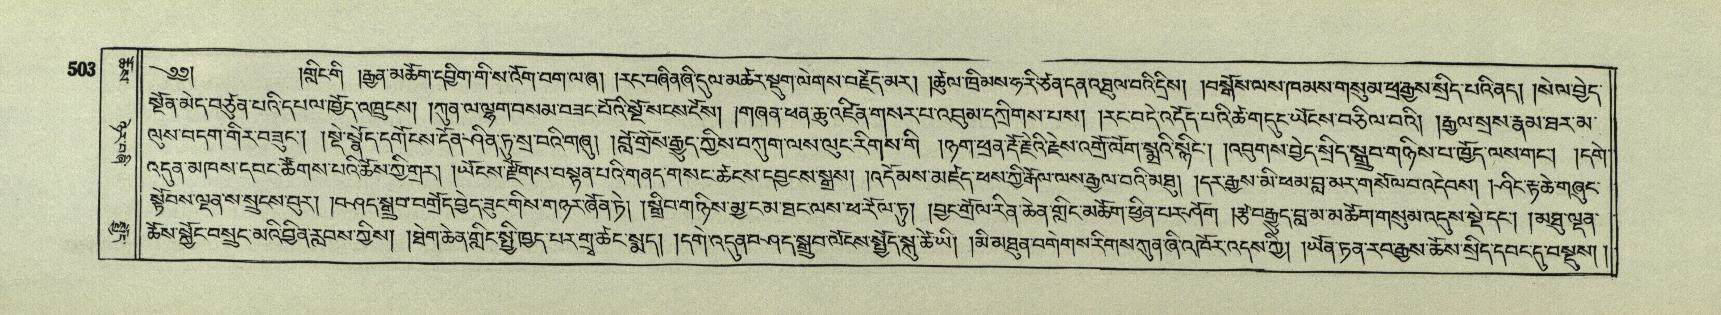༄༅། །གླིང་གི །རྒྱན་མཆོག་དབྱིག་གི་ས་འོག་བག་ལ་ཞ། །རང་བཞིན་ཞི་དུལ་མཚར་སྡུག་ལེགས་བརྗོད་མར། །ཚུལ་ཁྲིམས་ཧ་རི་ཙན་དན་འཐུལ་བའི་དྲིས། །བསྒོས་ལས་ཁམས་གསུམ་ཕྲ་རྒྱས་སྲིད་པའི་ནད། །སེལ་བྱེད་
སྔོན་མེད་བཙུན་པའི་དཔལ་ཁྱོད་འཁྲུངས། །ཀུན་ལ་ལྷག་བསམ་བཟང་པོའི་སྔོ་སངས་ངོས། །གཞན་ཕན་ཆུ་འཛིན་གསར་པ་འབུམ་དཀྲིགས་པས། །རང་བདེ་འདོད་པའི་ཚ་གདུང་ཡོངས་བཅིལ་བའི། །རྒྱལ་སྲས་རྣམ་ཐར་མ་
ལུས་བདག་གིར་བཟུང་། །སྡེ་སྣོད་དགོངས་དོན་ཤིན་ཏུ་སྲ་བའི་གཞུ། །བློ་གྲོས་རྒྱུད་ཀྱིས་བཀུག་ལས་ལུང་རིགས་གི །ཉག་ཕྲན་རྡོ་རྗེའི་རྗེས་འགྲོ་ལོག་སྨྲའི་སྙིང་། །འབུགས་བྱེད་སྲིད་སྒྲུབ་གཉིས་པ་ཁྱོད་ལས་གང་། །དགེ་
འདུན་མཁས་དབང་ཚོགས་པའི་ཆོས་ཀྱི་གྲར། །ཡོངས་རྫོགས་བསྟན་པའི་གནད་གསང་ཚང་དབྱངས་སྒྲས། །འདོམས་མཛད་ཕས་ཀྱི་རྒོལ་ལས་རྒྱལ་བའི་མཐུ། །དར་རྒྱས་མི་ཕམ་བླ་མར་གསོལ་བ་འདེབས། །ཤིང་རྟ་ཆེ་གཞུང་
སྟོབས་ལྡན་ས་སྲུངས་བུར། །བཤད་སྒྲུབ་བགྲོད་བྱེད་ཟུང་གིས་གཉར་ཞོན་ཏེ། །སྒྲིབ་གཉིས་མྱ་ངམ་ཐང་ལས་ཕ་རོལ་ཏུ། །བྱང་གྲོལ་རིན་ཆེན་གླིང་མཆོག་ཕྱིན་པར་ཤོག །རྩ་བརྒྱུད་བླ་མ་མཆོག་གསུམ་འདུས་སྡེ་དང་། །མཐུ་ལྡན་
ཆོས་སྐྱོང་བསྲུང་མའི་བྱིན་རླབས་ཀྱིས། །ཐེག་ཆེན་གླིང་སྤྱི་ཁྱད་པར་གྲྭ་ཚང་སྨད། །དགེ་འདུན་བཤད་སྒྲུབ་ལོངས་སྤྱོད་སྐུ་ཚེ་ཡི། །མི་མཐུན་བགེགས་རིགས་ཀུན་ཞི་འཁོར་འདས་ཀྱི། །ཡོན་ཏན་རབ་རྒྱས་ཆོས་སྲིད་དབང་དུ་བསྡུས། །